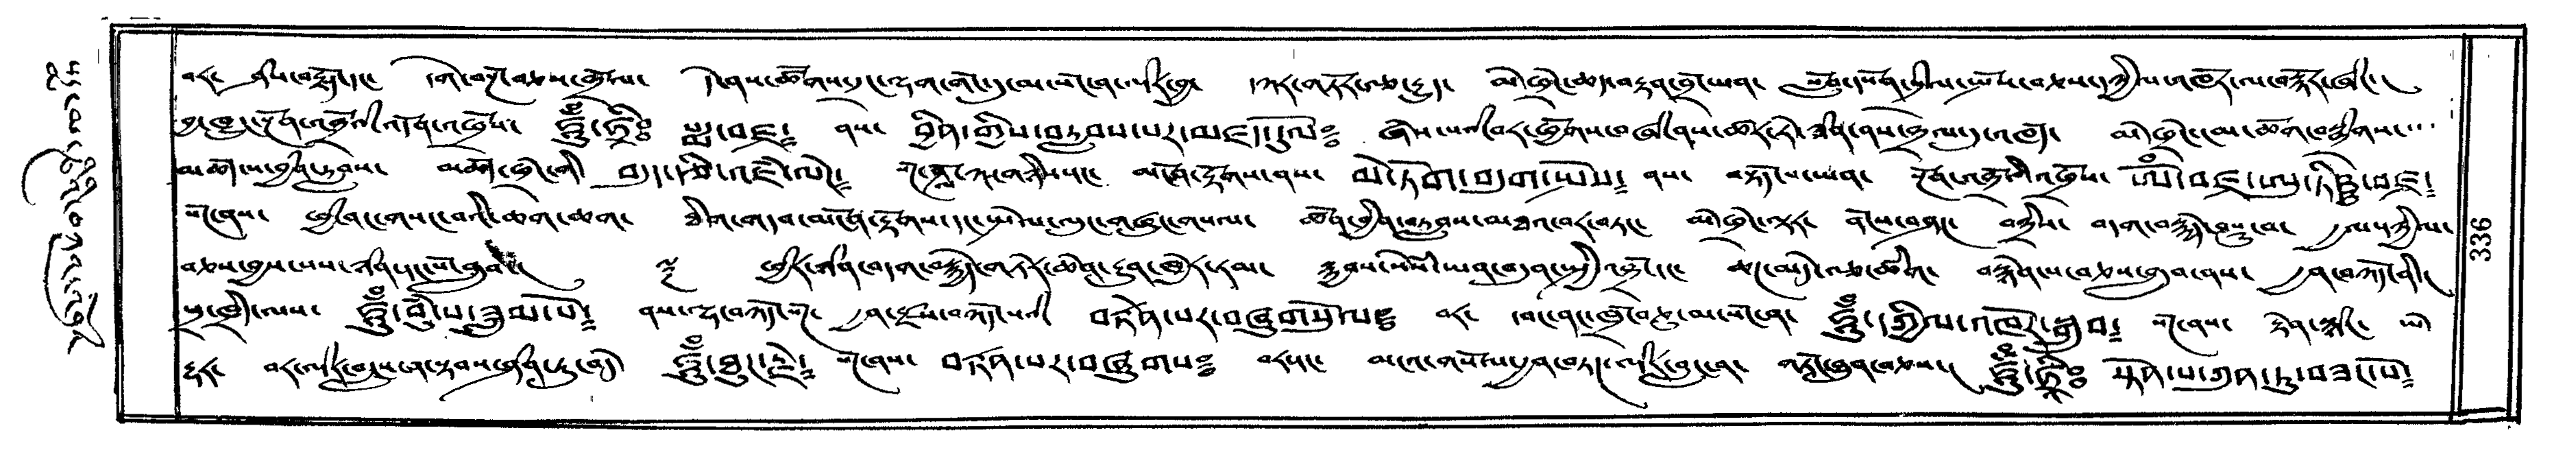བར། ཤིས་བརྗོད་དང་། དགེ་བསྔོ་བཅས་གྲོལ། དེ་ནས་ཚོགས་དྲང་ལྷག་གོང་དུ་མ་སོང་ན་འདིར་བྱ། དཀར་གཏོར་རྩ་རྒྱུད། མེ་ཕྲེང་ཆད་བརྟན་རྟ་བྲོ་ཡན། སློབ་དཔོན་རྡོར་དྲྀལ་སྤོས་བཅས་དཀྱིལ་འཁོར་ལ་བསྐོར་ཞིང་། 
བྱ་ཁྱུང་སྔོན་འགྲོའི་འདོན་འཕྲོས། ཧཱུྃ་ཧྲཱིཿ པདྨ་བཛྲ༴ ནས། བྱིན་གྱིས་བརླབས་པར་མཛད་དུ་གསོལ༔ ཞེས་པའི་བར་ཕྱོགས་བཞི་ནས་ཚར་རེ་ཟིན་ནས་གྲལ་དུ་འཁོད། མེ་ཕྲེང་ངམ་ཆོག་བསྒྲིགས་
མཆོད་པ་བྱིན་བརླབས། མཆོད་ཕྲེང་ག ི བདུད་རྩི་འཇམ་ལེགས༴ སོགས་ཤོ་ལོ་ཀ་གཉིས་དང་། མངོན་རྟོགས་ནས། མེ་ཏོག་བདུག་སྤོས༴ ནས། བསྟོད་པ་ཡན། སྔོན་འགྲོའི་འཕྲོས། ཨོཾ་བཛྲ་ཨུ་ཏིཥྛ་བཛྲ༴ 
སོགས་ནས། ཕྱི་ནང་གསང་བའི་ཆག་ཆག ཐིག་གདབ་མངོན་རྟོགས་དང་སྤེལ་ལུང་གཞུང་གསལ། ཚོན་བྱིན་རླབས་མཐའ་བར་བཏང་། མེ་ཕྲེང་ལྟར། ནོངས་བཤགས། བཀྲ་ཤིས། བདག་བསྐྱེད་བསྡུ་བ། རྒྱལ་དཀྱིལ༴ 
བཅས་བྱས་པས་ཉིན་དང་པོ་གྲུབ། ཕྱི་ཉིན་བདག་བསྐྱེད་གཏེར་ཆེན་རྒྱུན་ཁྱེར་རམ། སྐྱབས་སེམས་ཡན་བདུན་སྤྱི་འགྲོ་དང་། ཆགས་མེད་རྩ་ཚིག བསྙེན་པ་བཅས་གྲུབ་ནས། རྒྱན་བཀོད་ནི། 
པྲ་ཁྲིད་ལས། ཧཱུྃ༔བུམ་མ་ཟླུམ་པོ༴ ནས་ལྷ་བཀོད་སོགས། རྒྱན་རྫས་བཀོད་པའི། བརྟེན་པར་བཞུགས་སུ་གསོལ༔ བར། དབང་ནང་ཁྲོ་བཅུ་མ་སོང་ན། ཧཱུྃ༔ དཀྱིལ་འཁོར་སྒྲུབ༴ སོགས་ནས། རྟེན་སྙིང་། ཡེ་
དྷར༴ བར་འདིར་བླངས་ན་སྟབས་ཤིན་ཏུ་བདེ། ཧཱུྃ༔ཐུགས་རྗེ༴ སོགས་ནས། བརྟན་པར་བཞུགས༔ བར་དང་། མངའ་གསོལ་རྒྱན་བཏགས་འདིར་བླང་ན། གཏོང་མཐུན་བཅས། ཧཱུྃ་ཧྲཱིཿ སྟོན་པ་ཀུན་ཏུ་བཟང་པོ༴